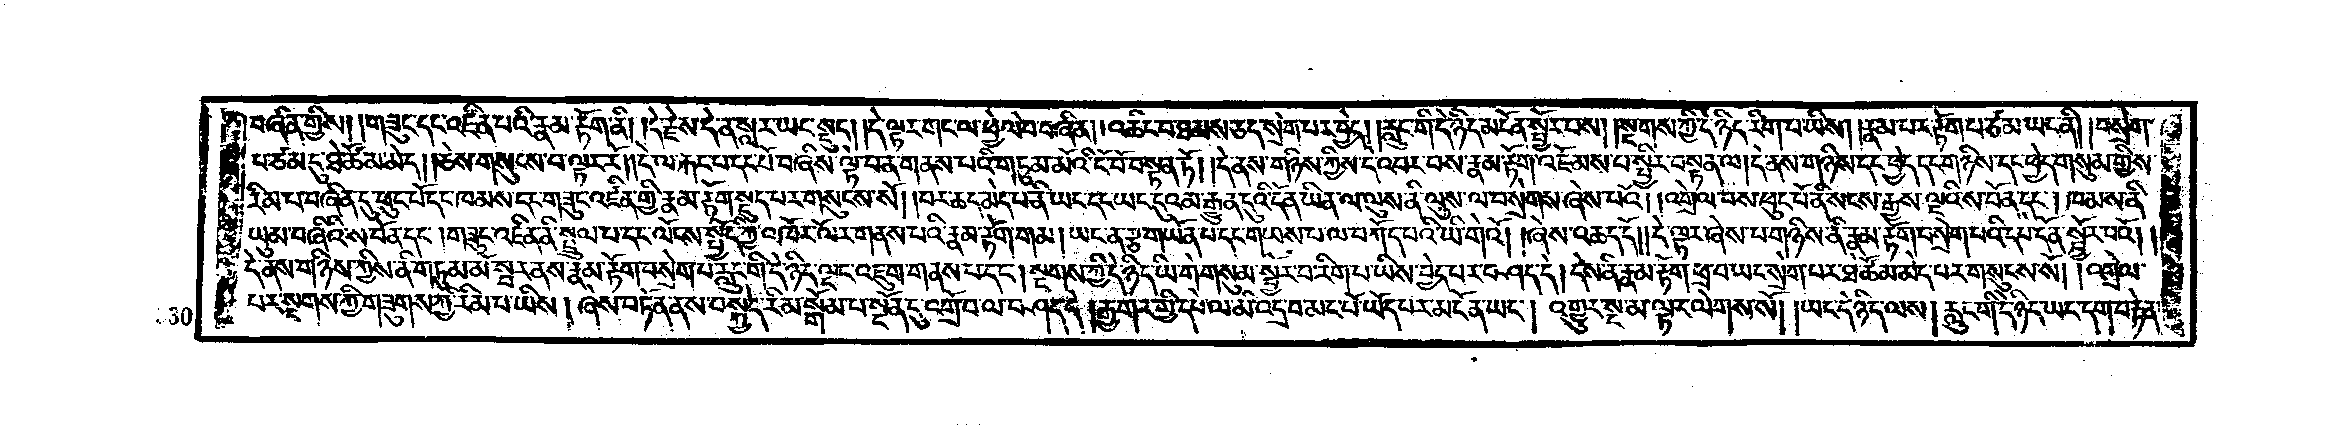བཞིན་གྱིས། །གཟུང་དང་འཛིན་པའི་རྣམ་རྟོག་ནི། །དེ་རྗེས་དེ་ན་སླར་ཡང་སྡུད། །དེ་ལྟར་གང་ལ་ཕྱེ་ལེབ་བཞིན། །འཆིང་བ་ཐམས་ཅད་སྲེག་པར་བྱེད། །རླུང་གི་དེ་ཉིད་མངོན་སྦྱོར་བས། །སྔགས་ཀྱི་དེ་ཉིད་རིག་པ་ཡིས། །རྣམ་པར་རྟོག་པ་ཙམ་ཡང་ནི། །བསྲེག་
པ་ཙམ་དུ་ཐེ་ཚོམ་མེད། །ཅེས་གསུངས་པ་ལྟར་རོ། །དེ་ལ་རྐང་པ་དང་པོ་བཞིས་ལྟེ་བ་ན་གནས་པའི་གཏུམ་མོའི་ངོ་བོ་བསྟན་ཏོ། །དེ་ནས་གཉིས་ཀྱིས་དེ་འབར་བས་རྣམ་རྟོག་འཇོམས་པ་སྦྱོར་བསྟན་ལ། དེ་ནས་གཉིས་དང་བྱེད་དང་གཉིས་དང་ཕྱེད་གསུམ་གྱིས་
རིམ་པ་བཞིན་དུ་ཕུང་པོ་དང་ཁམས་དང་གཟུང་འཛིན་གྱི་རྣམ་རྟོག་སྡུད་པར་གསུངས་སོ། །བར་ཆད་མེད་པ་ནི་ཡང་དང་ཡང་དུའམ་རྒྱུན་དུའི་དོན་ཡིན་ལ་ལུས་ནི་ལུས་ལ་བསྲེགས་ཞེས་པའོ། །འགྲེལ་པས་ཕུང་པོ་ནི་སངས་རྒྱས་ལྔའི་ས་བོན་དང་། ཁམས་ནི་
ཡུམ་བཞིའི་ས་བོན་དང་། གཟུང་འཛིན་ནི་སྤྲུལ་པ་དང་ལོངས་སྤྱོད་ཀྱི་འཁོར་ལོར་གནས་པའི་རྣམ་རྟོག་གམ། ཡང་ན་རྩ་གཡོན་པ་དང་གཡས་པ་ལ་བཀོད་པའི་ཡི་གེའོ། །ཞེས་འཆད་དོ། །དེ་ལྟར་ཞེས་པ་གཉིས་ནི་རྣམ་རྟོག་བསྲེག་པའི་དཔེ་དོན་སྦྱོར་བའོ། །
དེ་ནས་གཉིས་ཀྱིས་ནི་གཏུམ་མོ་སྤར་ནས་རྣམ་རྟོག་བསྲེག་པ་རླུང་གི་དེ་ཉིད་ལྡང་འཇུག་གནས་པ་དང་། སྔགས་ཀྱི་དེ་ཉིད་ཡི་གེ་གསུམ་སྦྱོར་བ་རིག་པ་ཡིས་བྱེད་པར་བཤད་དེ། དེས་ནི་རྣམ་རྟོག་ཕྲ་བ་ཡང་སྲེག་པར་ཐེ་ཚོམ་མེད་པར་གསུངས་སོ། །འགྲེལ་
བར་སྔགས་ཀྱི་གཟུགས་ཀྱི་རིམ་པ་ཡིས། ཞེས་བཏོན་ནས་བསྐྱེད་རིམ་སྒོམ་པ་སྔོན་དུ་འགྲོ་བ་ལ་བཤད་དེ། རྒྱ་གར་གྱི་དཔེ་ལ་མི་འདྲ་བ་མང་པོ་ཡོད་པར་མངོན་ཡང་། འགྱུར་སྔ་མ་ལྟར་ལེགས་སོ། །ཡང་དེ་ཉིད་ལས། རླུང་གི་དེ་ཉིད་ཡང་དག་བརྟེན།